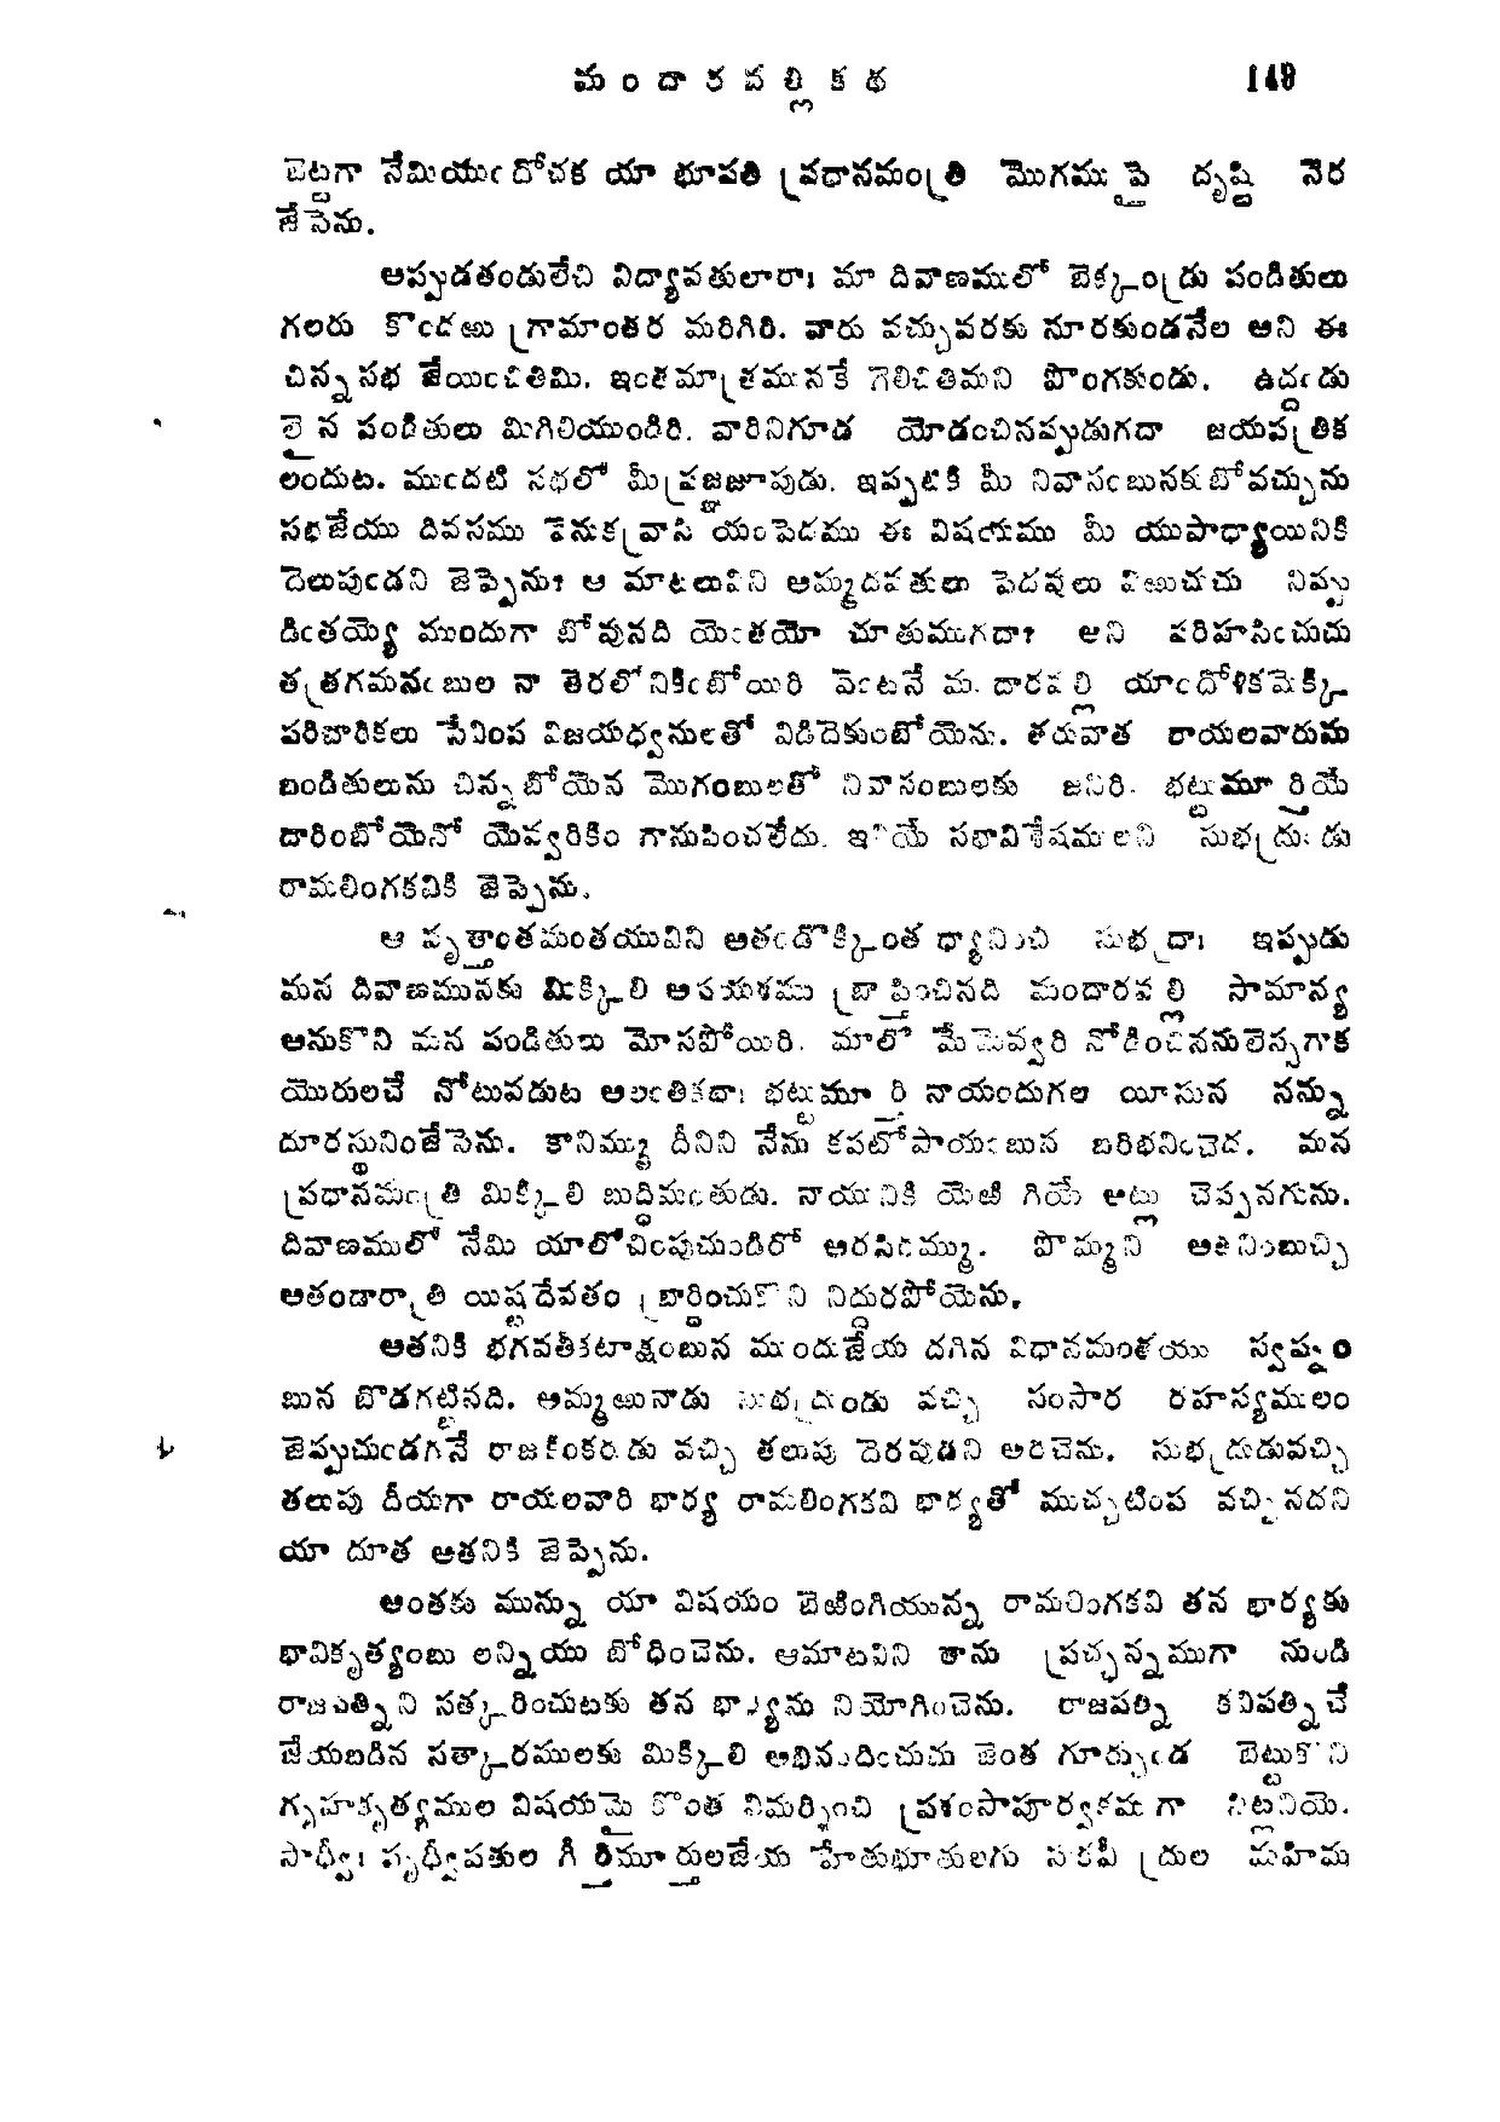బెట్టగా నేమియుఁదోచక యా భూపతి ప్రధానమంత్రి మొగము పై దృష్టి నెర జేసెను.

అప్పుడతండులేచి విద్యావతులారా! మా దివాణములో బెక్కండ్రు పండితులు గలరు కొందఱు గ్రామాంతర మరిగిరి. వారు వచ్చువరకు నూరకుండనేల అని ఈ చిన్న సభ జేయించితిమి. ఇంతమాత్రమునకే గెలిచితిమని పొంగకుండు. ఉద్దఁడులైన పండితులు మిగిలియుండిరి. వారినిగూడ యోడించినప్పుడుగదా జయపత్రిక లందుట. ముందటి సభలో మీప్రజ్ఞజూపుడు. ఇప్పటికి మీ నివాసంబునకుబోవచ్చును సభజేయు దివసము వెనుకవ్రాసి యంపెదము ఈ విషయము మీ యుపాధ్యాయినికి దెలుపుఁడని జెప్పెను. ఆ మాటలువిని అమ్మదవతులు పెదవులు విఱుచుచు నిప్పు డింతయ్యె ముందుగా బోవునది యెంతయో చూతుముగదా? అని పరిహసించుచు తత్రగమనంబుల నా తెరలోనికిఁబోయిరి వెంటనే మందారవల్లి యాందోళికమెక్కి పరిచారికలు సేవింప విజయధ్వనులతో విడిదెకుంబోయెను. తరువాత రాయలవారును బండితులును చిన్నబోయిన మొగంబులతో నివాసంబులకు జనిరి. భట్టుమూర్తి యేదారింబోయెనో యెవ్వరికిం గానుపించలేదు. ఇవియే సభావిశేషములని సుభద్రుఁడు రామలింగకవికి జెప్పెను.

ఆ వృత్తాంతమంతయు విని అతండొక్కింత ధ్యానించి సుభద్రా! ఇప్పుడు మన దివాణమునకు మిక్కిలి అపయశము బ్రాప్తించినది మందారవల్లి సామాన్య అనుకొని మన పండితులు మోసపోయిరి. మాలో మేమెవ్వరి నోడించననులెస్సగాక యొరులచే నోటుపడుట అలంతికదా! భట్టుమూర్తి నాయందుగల యీసున నన్ను దూరస్థునింజేసెను. కానిమ్ము దీనిని నేను కపటోపాయంబున బరిభవించెద. మన 
ప్రధానమంత్రి మిక్కిలి బుద్ధిమంతుడు. నాయునికి యెఱిగియే అట్లు చెప్పనగును. దివాణములో నేమి యాలోచింపుచుండిరో అరసిరమ్ము. పొమ్మని అతనింబుచ్చి అతండారాత్రి యిష్టదేవతం బ్రార్థించుకొని నిద్దురపోయెను.

అతనికి భగవతీకటాక్షంబున ముందుజేయదగిన విధానమంతయు స్వప్నంబున బొడగట్టినది. అమ్మఱునాడు సుభద్రుండు వచ్చి సంసారరహస్యములం జెప్పుచుండగనే రాజకింకరుడు వచ్చి తలుపు దెరవుడని అరిచెను. సుభద్రుడువచ్చి తలుపు దీయగా రాయలవారి భార్య రామలింగకవి భార్యతో ముచ్చటింప వచ్చినదని యా దూత అతనికి జెప్పెను.

అంతకు మున్ను యా విషయం బెఱింగియున్న రామలింగకవి తన భార్యకు భావికృత్యంబు లన్నియు బోధించెను. ఆమాట విని తాను ప్రచ్ఛన్నముగా నుండి రాజపత్నిని సత్కరించుటకు తన భార్యను నియోగించెను. రాజపత్ని కవిపత్నిచే జేయబడిన సత్కారములకు మిక్కిలి అభినందించుచు జెంత గూర్చుండ బెట్టుకొని గృహకృత్యముల విషయమై కొంత విమర్శించి ప్రశంసాపూర్వకముగా నిట్లనియె.
సాధ్వీ! పృథ్వీపతుల గీర్తిమూర్తులజేయ హేతుభూతులగు సకవీంద్రుల మహిమ